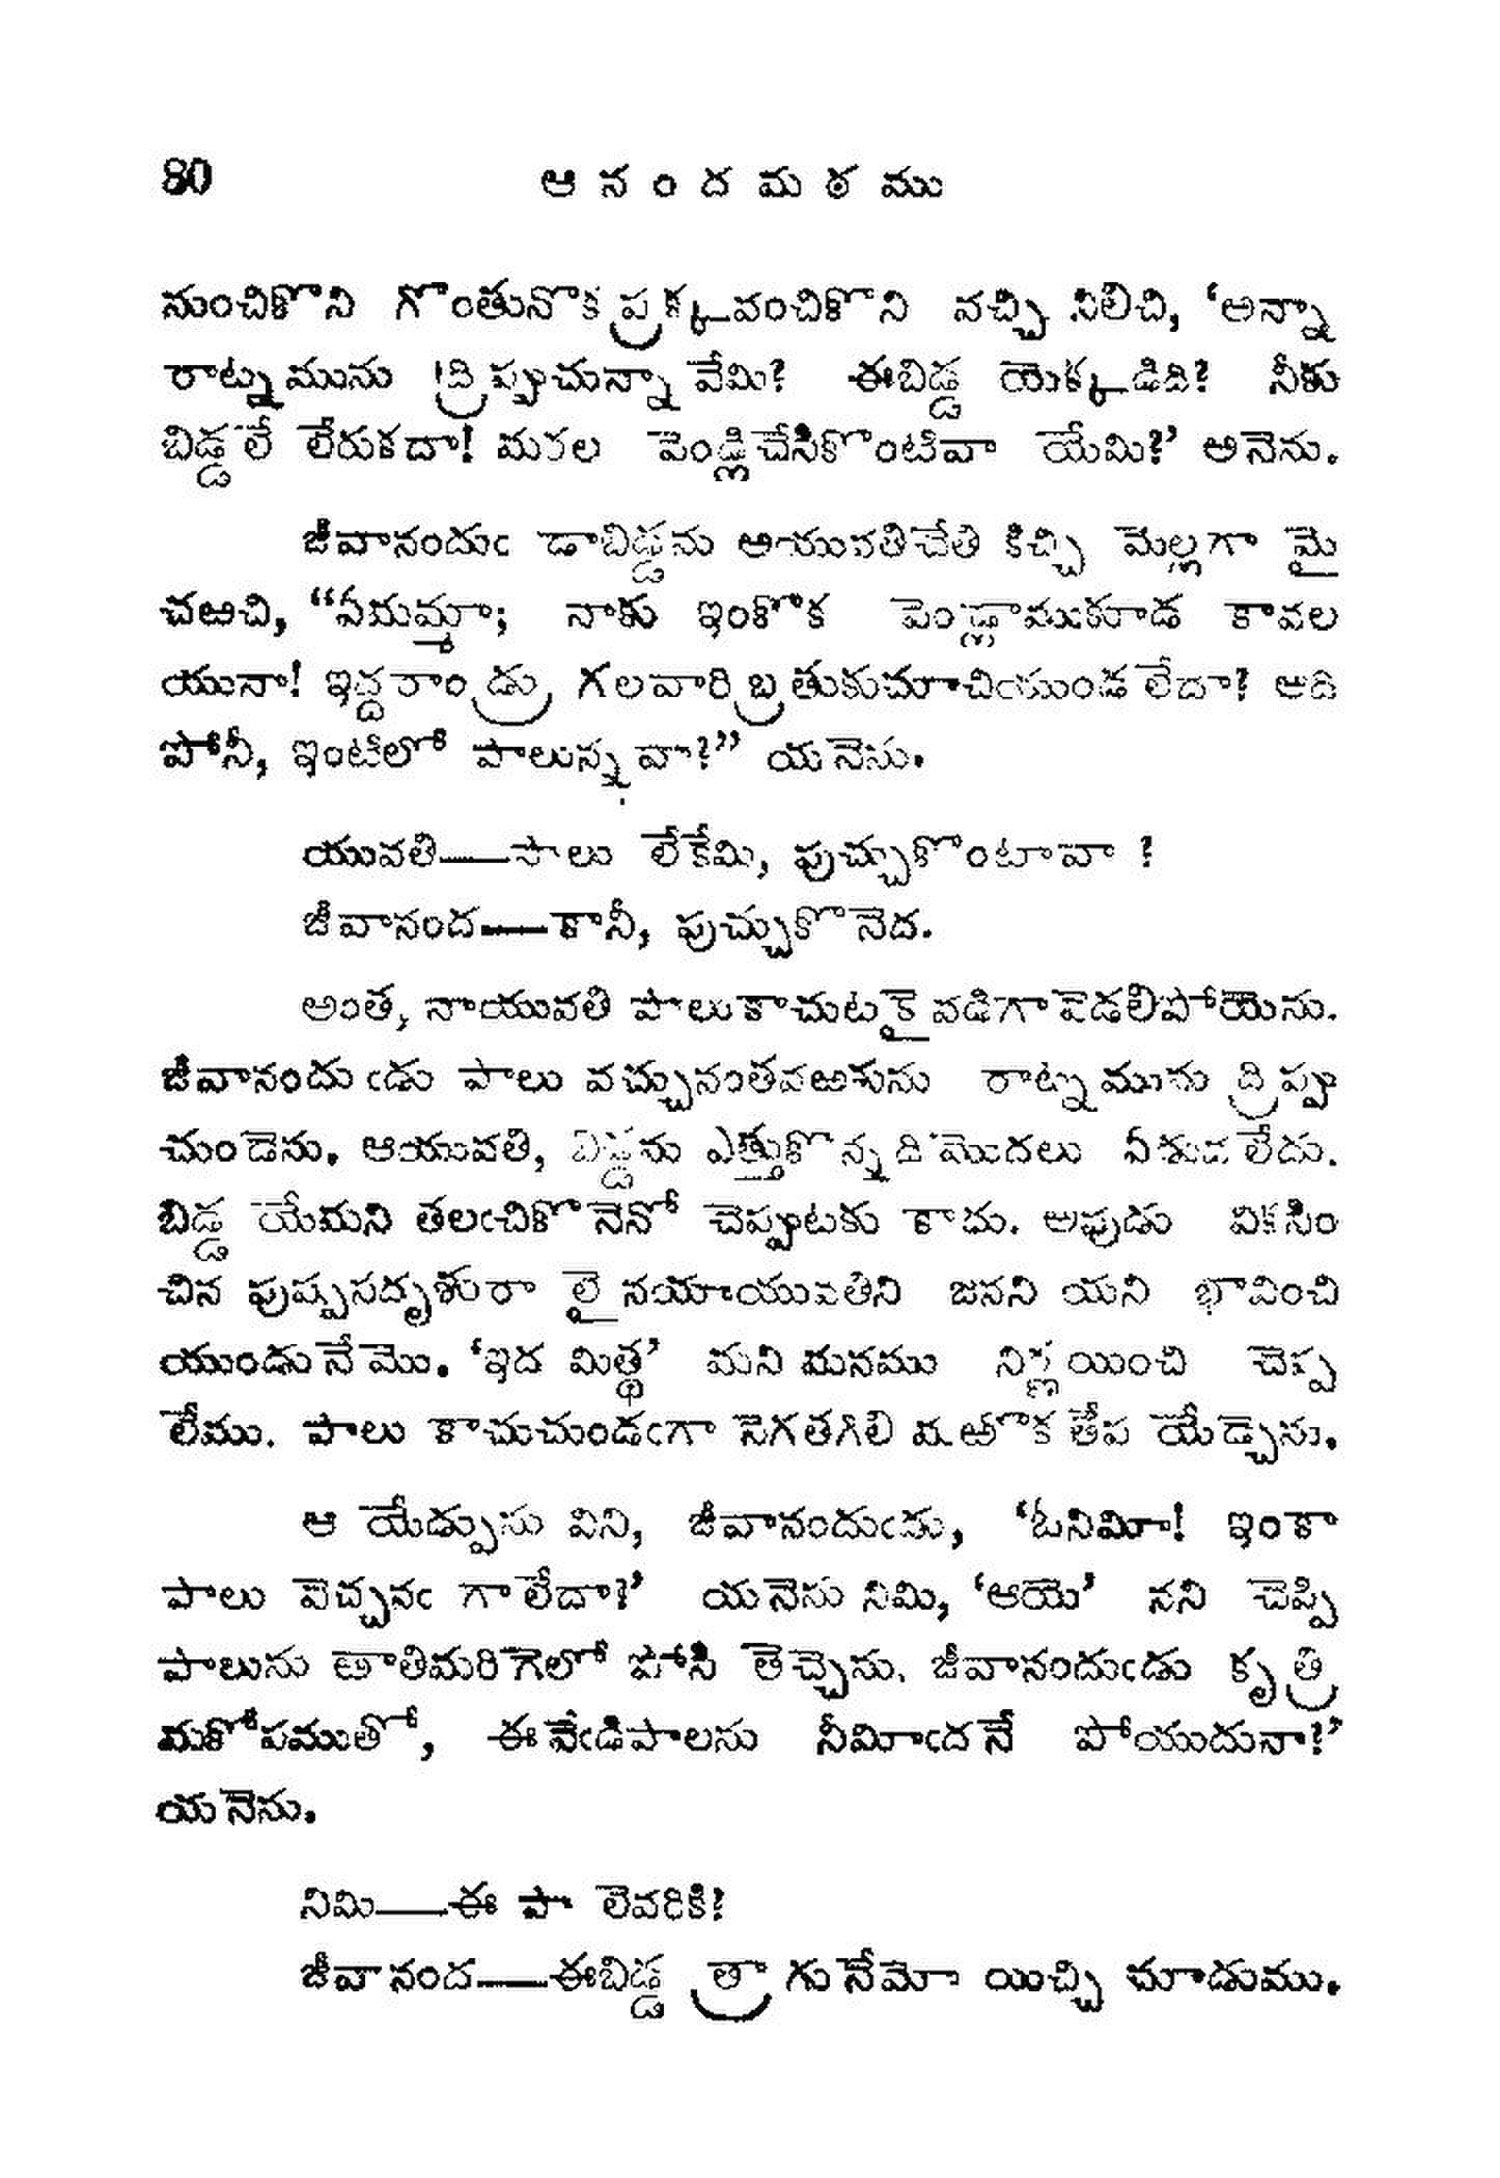నుంచికొని గొంతునొక ప్రక్క వంచికొని వచ్చి నిలిచి, 'అన్నా రాట్నమును త్రిప్పుచున్నా వేమి? ఈబిడ్డ యెక్కడిది? నీకు
బిడ్డలే లేరుకదా! మరల పెండ్లి చేసికొంటివా యేమి?' అనెను.

జీవానందుఁ 'డాబిడ్డను అయువతి చేతి కిచ్చి మెల్లగా మైచఱచి, “ఏమమ్మా నాకు ఇంకొక పెండ్లాముకూడ కావలయునా! ఇద్దరాండ్రు గలవారి బ్రతుకుచూచియుండ లేదా? ఆది పోనీ, ఇంటిలో పాలున్నవా?” యనెను.

యువలి——పాలు లేకేమి, పుచ్చుకొంటావా !

జీవానంద—— కానీ, పుచ్చుకొనేద.

అంత, నాయువతి పాలుకాచుటకై వడిగా వెడలిపోయెను. జీవానందుఁడు పాలు వచ్చునంత వఱకును రాట్నమును ద్రిప్పు
చుండెను, ఆయువతి, బిడ్డను ఎత్తుకొన్నది మొదలు ఏడువలేదు. బిడ్డ యేమని తలంచికొనెనో చెప్పుటకు కాదు. అపుడు వికసించిన పుష్పసదృశురా లైనయా యువతిని జనని యని భావించి యుండునేమొ. 'ఇద మిత్ఠ' మని మనము నిర్ణయించి చెప్పలేము. పాలు కాచుచుండఁగా సెగ తగిలి మఱోక తేప యేడ్చెను.

ఆ యేడ్పును విని, జీవానందుఁడు, 'ఓనిమా! ఇంకా పాలు వెచ్చనఁ గా లేదా?' యనెను నిమి, 'ఆయె' నని చెప్పి
పాలును ఱాతి మరిగెలో పోసి తెచ్చెను, జీవానందుఁడు కృత్రిమకోపముతో, ఈ వేఁడిపాలను నీమీఁదనే పోయుదునా!”
యనెను.

నిమి——ఈ పాలెవరికి?

జీవానంద—— ఈబిడ్డ త్రాగు నేమో యిచ్చి చూడుము.